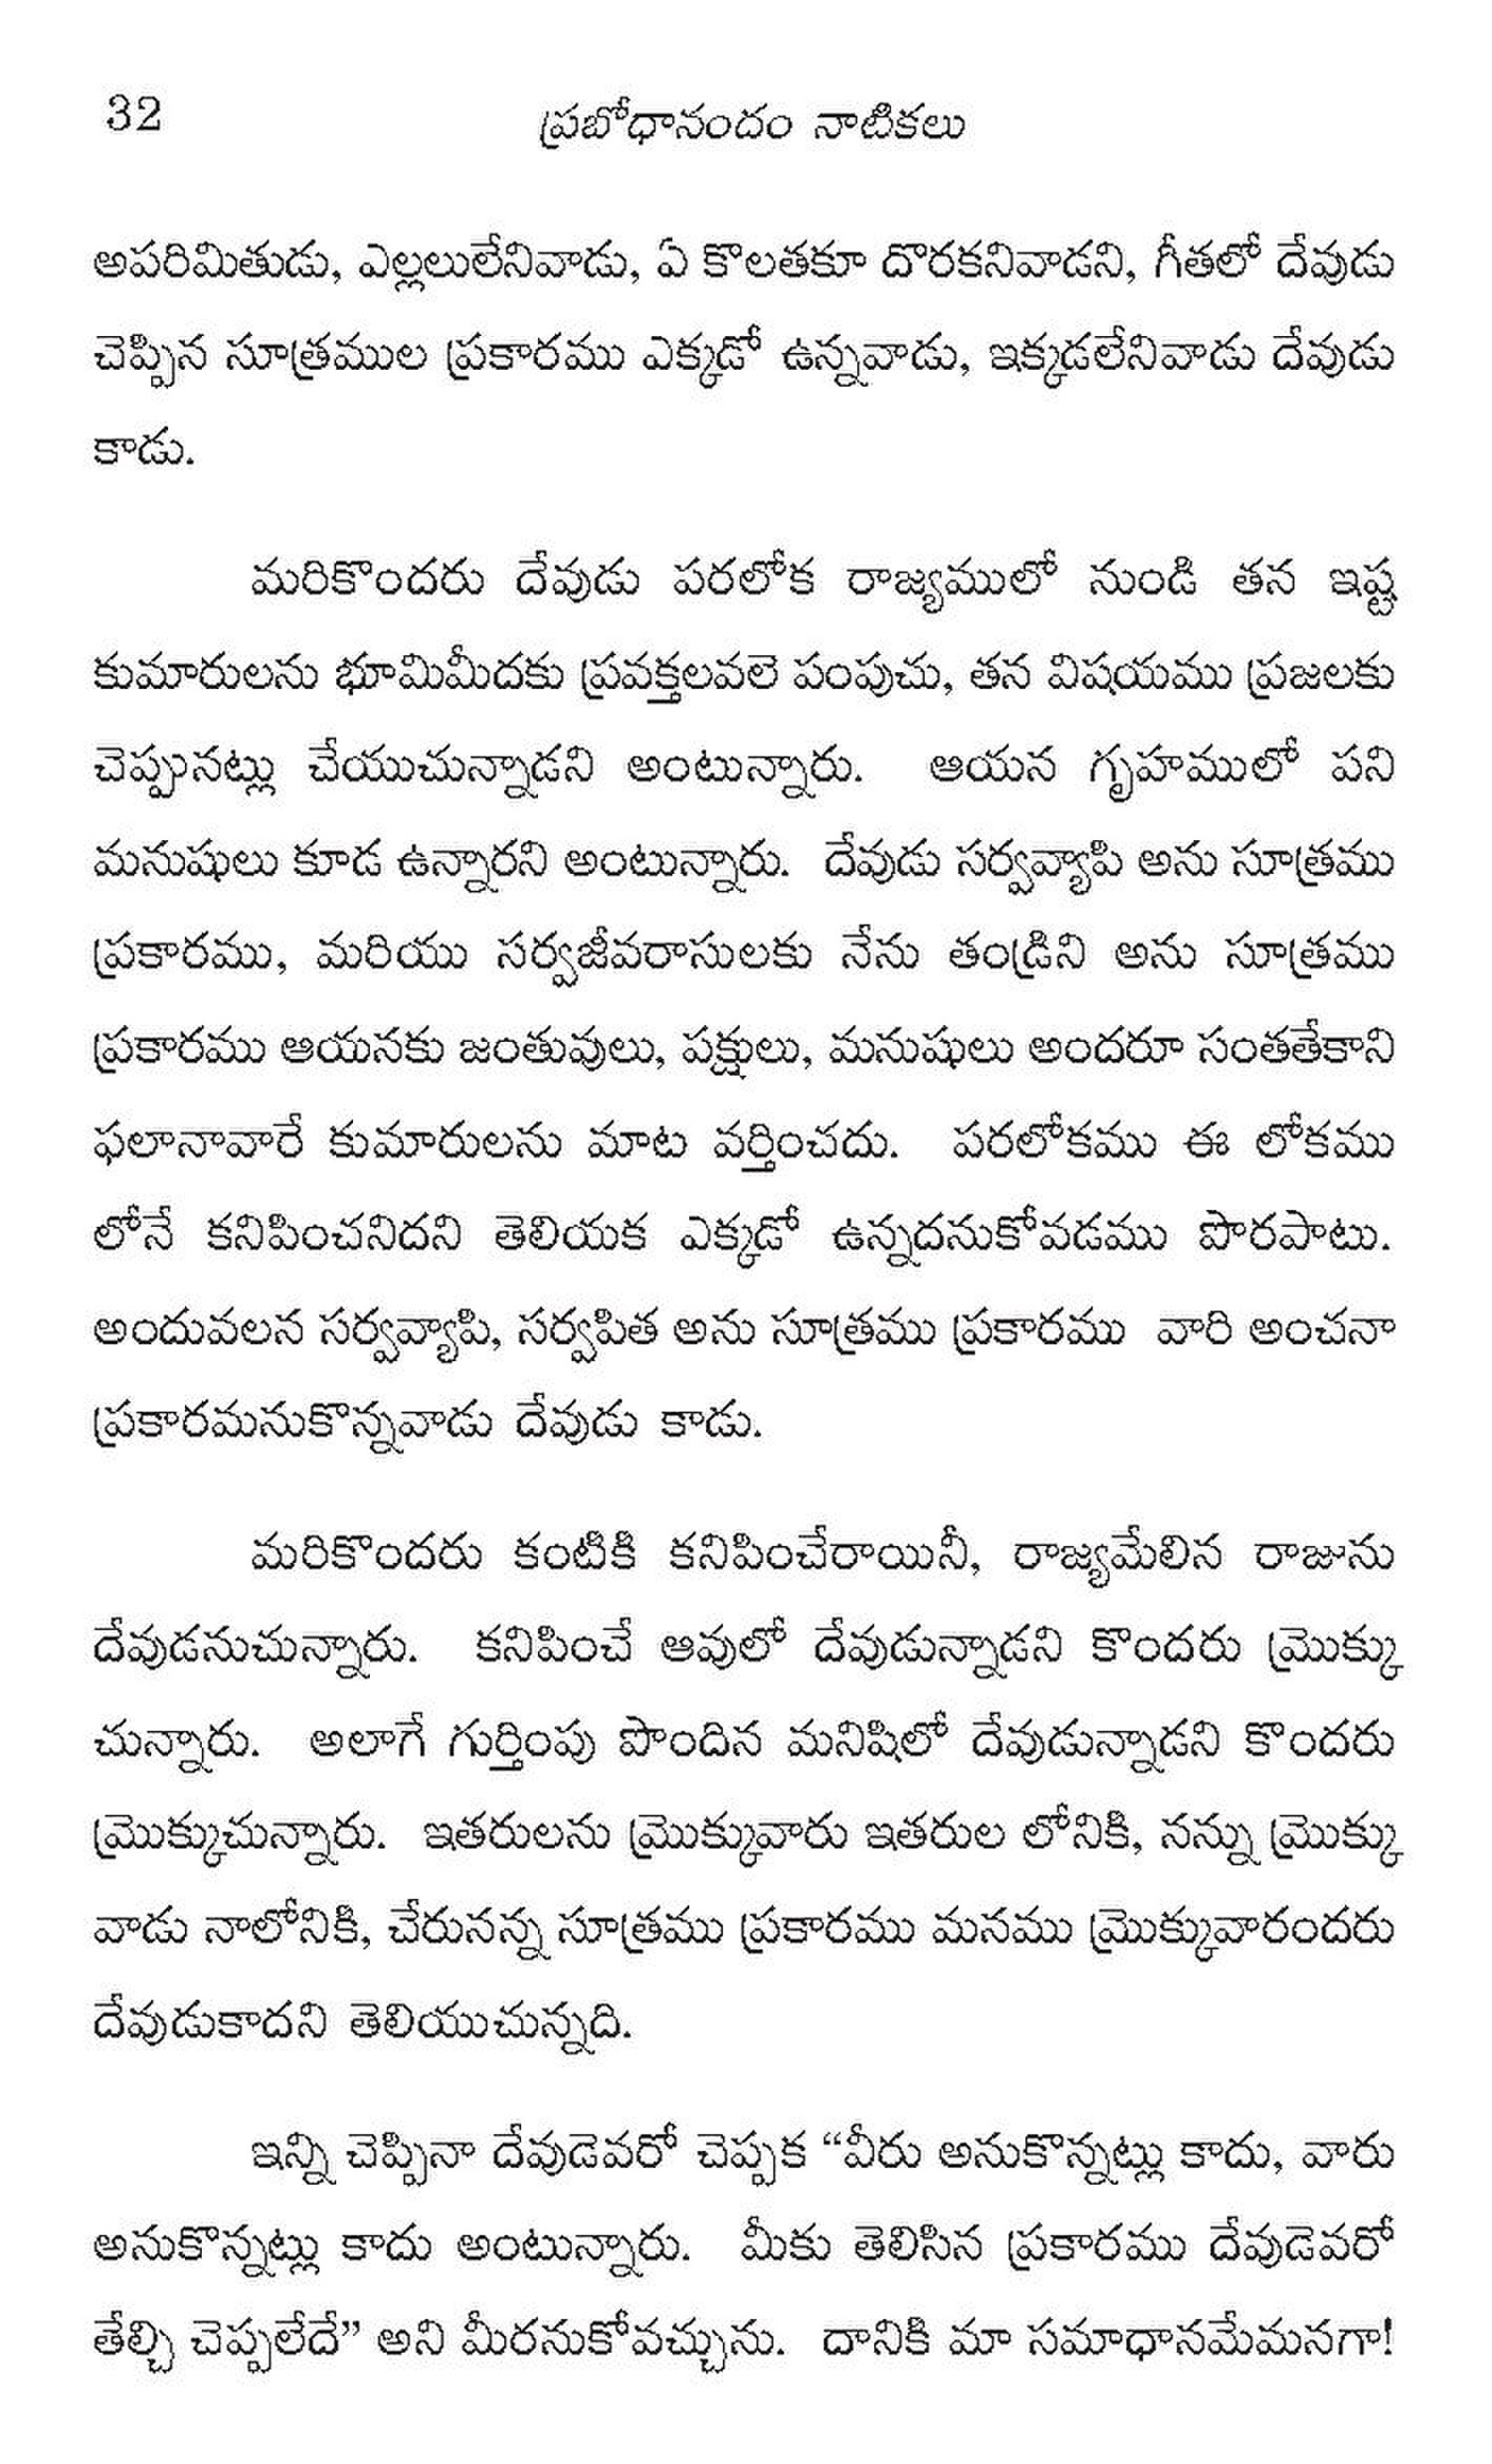అపరిమితుడు, ఎల్లలు లేనివాడు, ఏ కొలతకూ దొరకనివాడని, గీతలో దేవుడు చెప్పిన సూత్రముల ప్రకారము ఎక్కడో ఉన్నవాడు, ఇక్కడలేనివాడు దేవుడు కాడు.

మరికొందరు దేవుడు పరలోక రాజ్యములో నుండి తన ఇష్ట కుమారులను భూమిమీదకు ప్రవక్తలవలె పంపుచు, తన విషయము ప్రజలకు చెప్పునట్లు చేయుచున్నాడని అంటున్నారు. ఆయన గృహములో పని మనుషులు కూడ ఉన్నారని అంటున్నారు. దేవుడు సర్వవ్యాపి అను సూత్రము ప్రకారము, మరియు సర్వజీవరాసులకు నేను తండ్రిని అను సూత్రము ప్రకారము ఆయనకు జంతువులు, పక్షులు, మనుషులు అందరూ సంతతేకాని ఫలానావారే కుమారులను మాట వర్తించదు. పరలోకము ఈ లోకము లోనే కనిపించనిదని తెలియక ఎక్కడో ఉన్నదనుకోవడము పొరపాటు. అందువలన సర్వవ్యాపి, సర్వపిత అను సూత్రము ప్రకారము వారి అంచనా ప్రకారమనుకొన్నవాడు దేవుడు కాడు.

మరికొందరు కంటికి కనిపించేరాయినీ, రాజ్యమేలిన రాజును దేవుడనుచున్నారు. కనిపించే ఆవులో దేవుడున్నాడని కొందరు మ్రొక్కు చున్నారు. అలాగే గుర్తింపు పొందిన మనిషిలో దేవుడున్నాడని కొందరు మ్రొక్కుచున్నారు. ఇతరులను మ్రొక్కువారు ఇతరుల లోనికి, నన్ను మ్రొక్కు వాడు నాలోనికి, చేరునన్న సూత్రము ప్రకారము మనము మ్రొక్కువారందరు దేవుడుకాదని తెలియుచున్నది.

ఇన్ని చెప్పినా దేవుడెవరో చెప్పక ‘‘వీరు అనుకొన్నట్లు కాదు, వారు అనుకొన్నట్లు కాదు అంటున్నారు. మీకు తెలిసిన ప్రకారము దేవుడెవరో తేల్చి చెప్పలేదే’’ అని మీరనుకోవచ్చును. దానికి మా సమాధానమేమనగా!